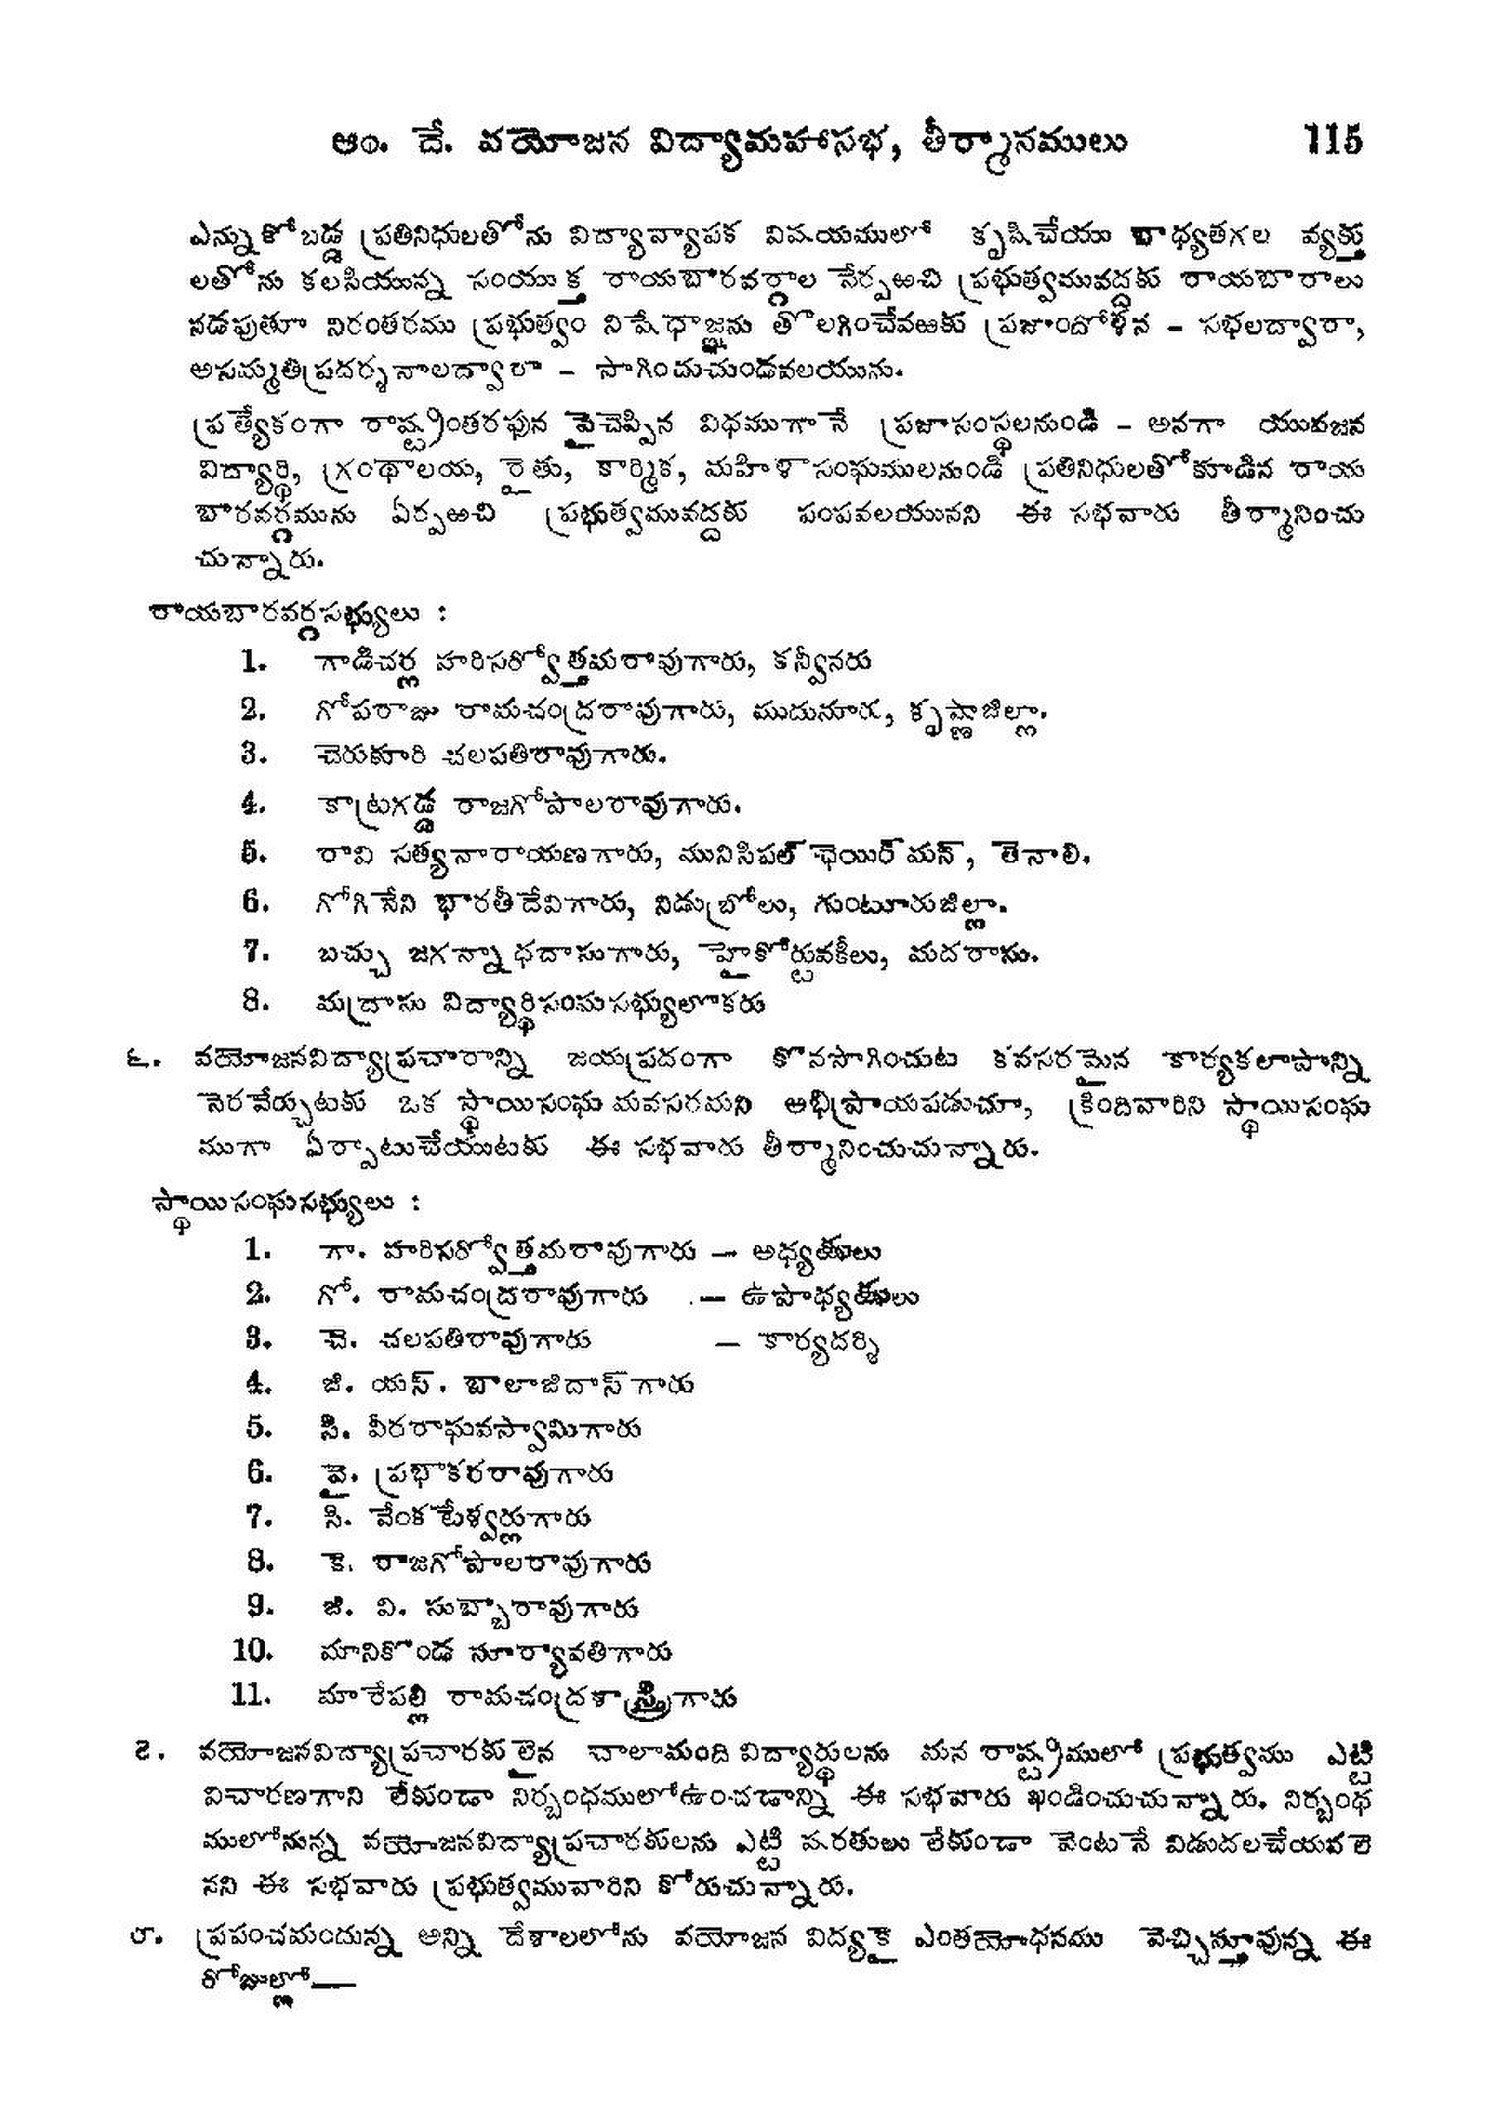ఎన్నుకోబడ్డ ప్రతినిధులతోను విద్యాన్యాపక విషయములో కృషి చేయు బాధ్యతగల వ్యక్తులతోను కలసియున్న సంయుక్త రాయబారవర్గాల నేర్పఱచి ప్రభుత్వమువద్దకు రాయబారాలు నడపుతూ నిరంతరము ప్రభుత్వం నిషేధాజ్ఞను తొలగించేవఱకు ప్రజాందోళన సభలద్వారా, అసమ్మతి ప్రదర్శనాలద్వారా - సాగించుచుండవలయును.

ప్రత్యేకంగా రాష్ట్రంతరఫున పై చెప్పిన విధముగానే ప్రజాసంస్థలనుండి - అనగా యువజన విద్యార్థి, గ్రంథాలయ, రైతు, కార్మిక, మహిళా సంఘములనుండి ప్రతినిధులతో కూడిన రాయబారవర్గమును ఏర్పఱచి ప్రభుత్వమువద్దకు పంపవలయునని ఈ సభవారు తీర్మానించు చున్నారు.

రాయబారవర్గ సభ్యులు:

1. గాడిచర్ల హరిసర్వోత్తమరావుగారు, కన్వీనరు
2, గోపరాజు రామచంద్రరావుగారు, ముదునూరు, కృష్ణాజిల్లా,
3. చెరుకూరి చలపతిరావు గారు.
4. కాట్రగడ్డ రాజగోపాలరావు గారు.
5. రావి సత్యనారాయణగారు, మునిసిపల్ ఛెయిర్ మన్, తెనాలి.
6. గోగినేని భారతీ దేవి గారు, నిడుబ్రోలు, గుంటూరు జిల్లా.
7. బచ్చు జగన్నాధదాసుగారు, హైకోర్టువకీలు, మదరాసు.
8. మద్రాసు విద్యార్థి సంఘ సభ్యులొకరు

౬. వయోజన విద్యాప్రచారాన్ని జయప్రదంగా కొనసాగించుట కవసరమైన కార్యకలాపాన్ని నెరవేర్చుటకు ఒక స్థాయిసంఘ మవసరమని అభిప్రాయపడుచూ, క్రిందివారిని స్థాయిసంఘ ముగా ఏర్పాటుచేయుటకు ఈ సభవారు తీర్మానించుచున్నారు.

స్థాయిసంఘసభ్యులు :

1. గా. హరిసర్వోత్తమరావుగారు - అధ్యక్షులు
2. గో. రామచంద్రరావుగారు - ఉపాధ్యక్షులు
3. చె. చలపతిరావుగారు - కార్యదర్శి
4. జి. యస్. బాలాజిదాస్ గారు
5. సి. వీరరాఘవస్వామిగారు
6. వై. ప్రభాకరరావుగారు
7. సి. వేంక టేశ్వర్లుగారు
8. కె. రాజగోపాల రావుగారు
9. జి. వి. సుబ్బారావు గారు
10.మానికొండ సూర్యావతి గారు
11.మారేపల్లి రామచంద్రశాస్త్రి గారు

౭. వయోజనవిద్యాప్రచారకులైన చాలామంది విద్యార్థులను మన రాష్ట్రములో ప్రభుత్వము ఎట్టి విచారణగాని లేకుండా నిర్బంధములో ఉంచడాన్ని ఈ సభవారు ఖండించుచున్నారు. నిర్బంధములోనున్న వయోజనవిద్యాప్రచారకులను ఎట్టి పరతులు లేకుండా వెంటనే విడుదలచేయవలెనని ఈ సభవారు ప్రభుత్వమువారిని కోరుచున్నారు.

౮. ప్రపంచమందున్న అన్ని దేశాలలోను వయోజన విద్యకై ఎంతయోధనము వెచ్చిస్తూవున్న ఈ రోజుల్లో -